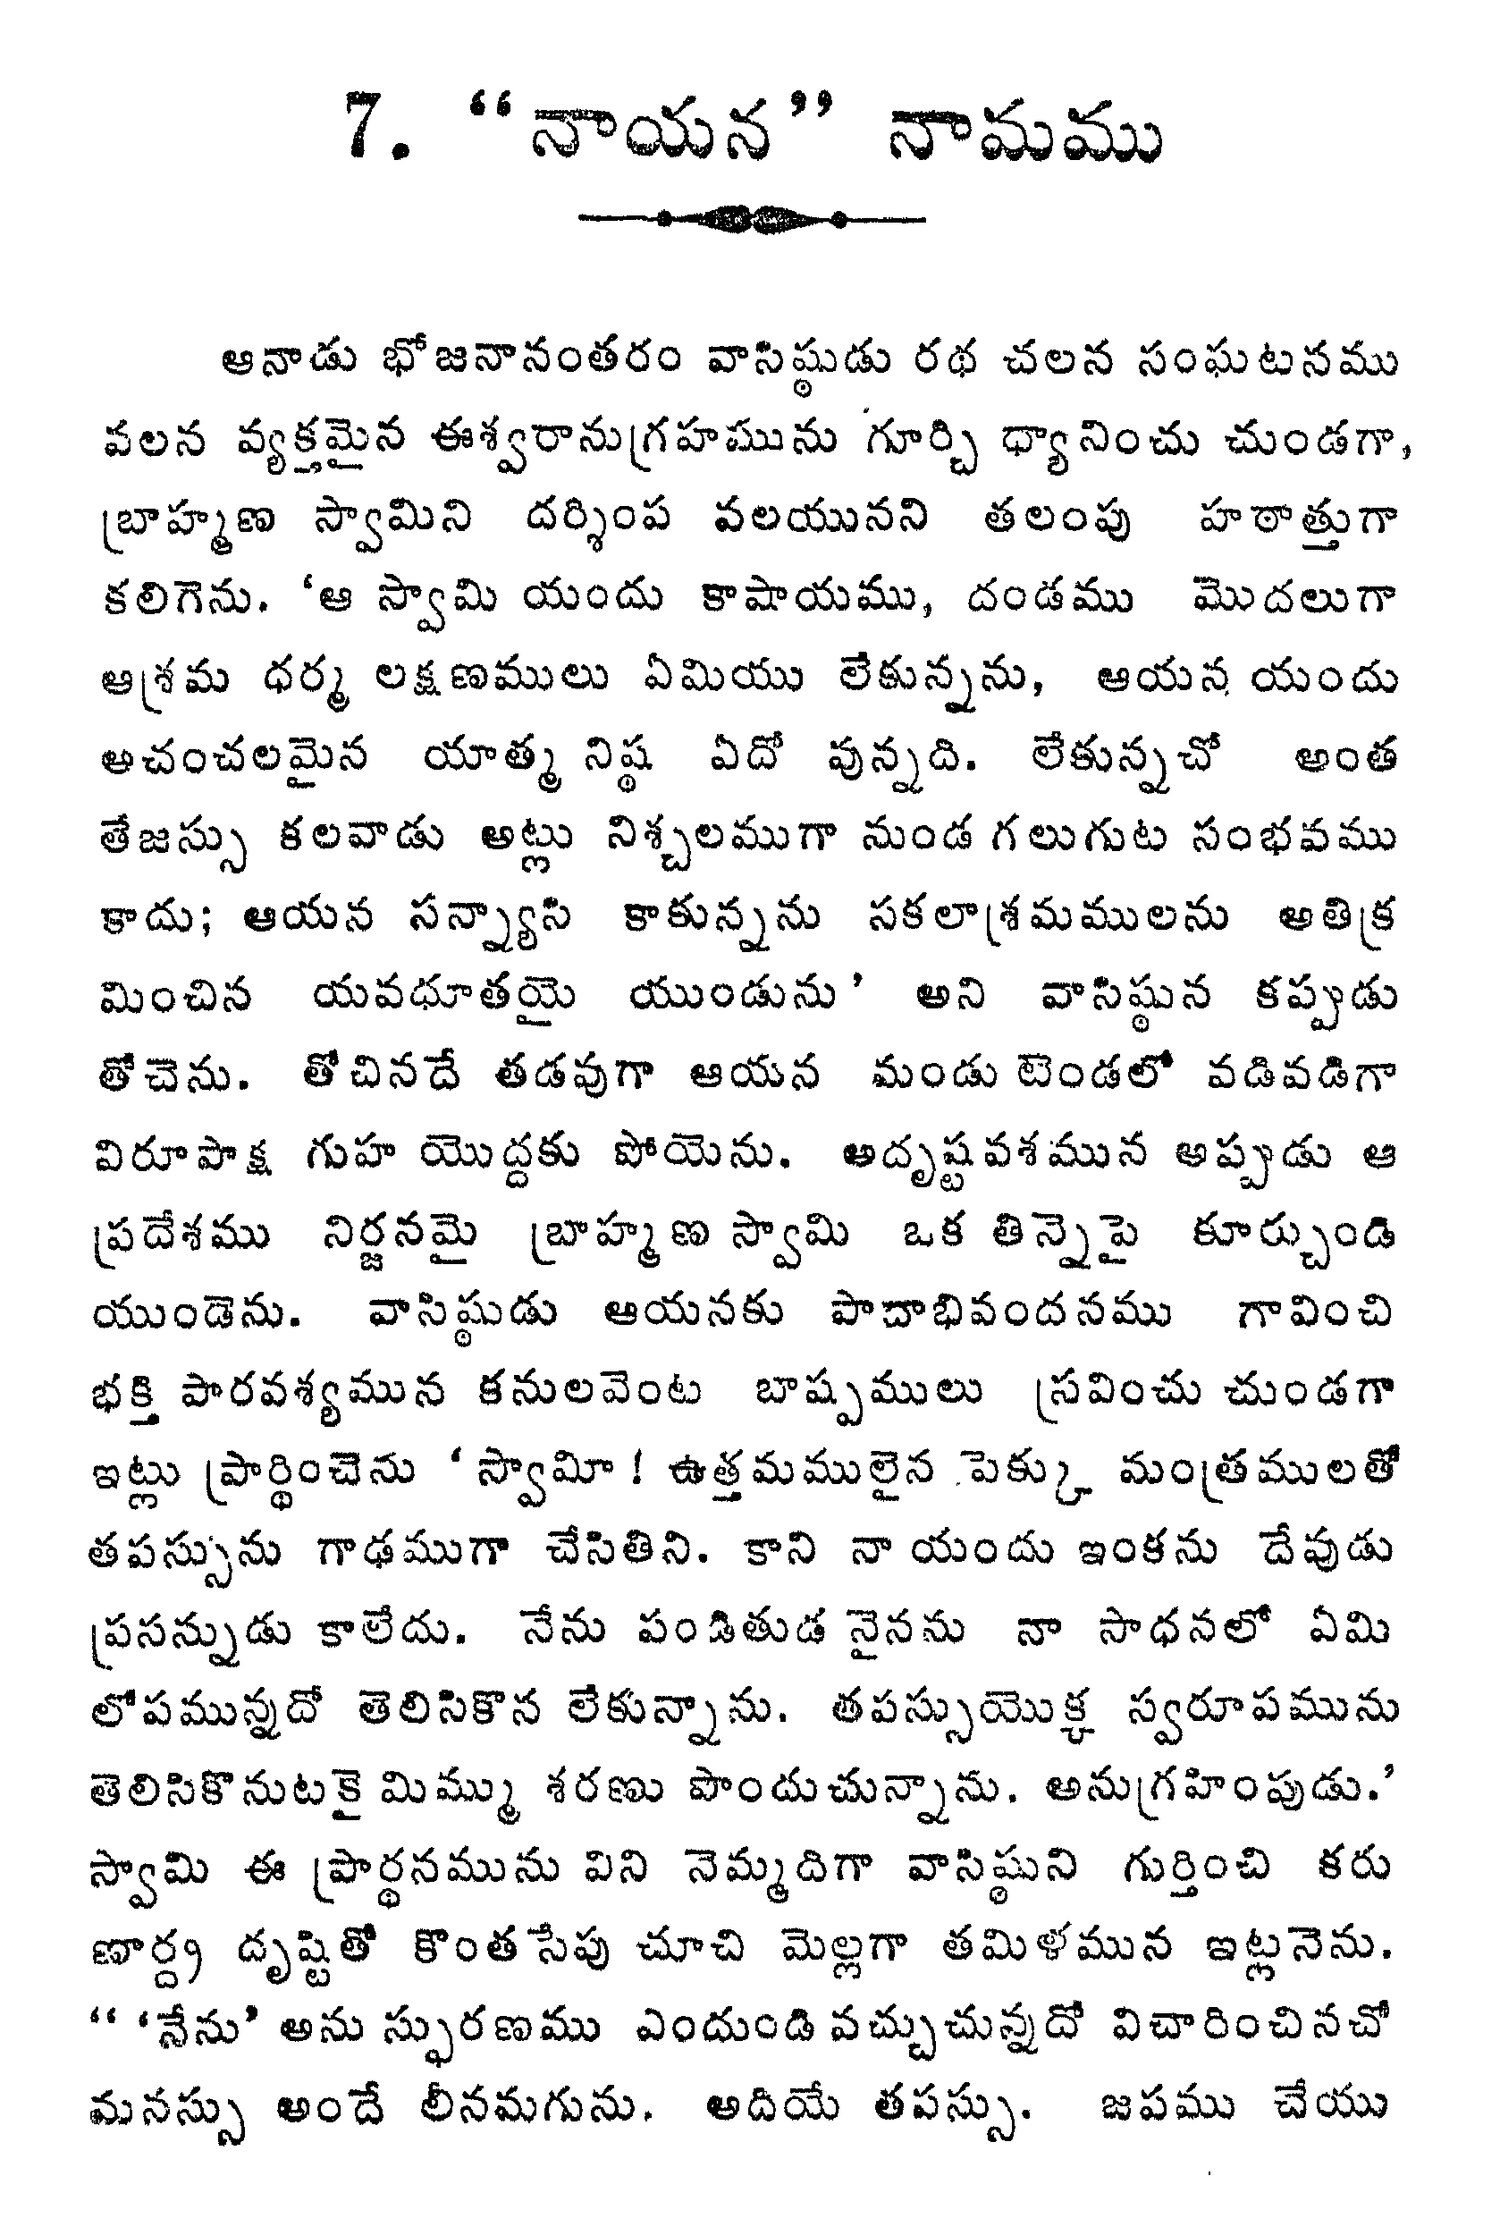ఆనాడు భోజనానంతరం వాసిష్ఠుడు రథ చలన సంఘటనము వలన వ్యక్తమైన ఈశ్వారానుగ్రహమును గూర్చి ధ్యానించు చుండగా, బ్రాహ్మణ స్వామిని దర్శింప వలయునని తలంపు హఠాత్తుగా కలిగెను. 'ఆ స్వామి యందు కాషాయము, దండము మొదలుగా ఆశ్రమ ధర్మ లక్షణములు ఏమియు లేకున్నను, ఆయన యందు అచంచలమైన యాత్మ నిష్ఠ ఏదో వున్నది. లేకున్నచో అంత తేజస్సు కలవాడు అట్లు నిశ్చలముగా నుండ గలుగుట సంభవము కాదు; ఆయన సన్న్యాసి కాకున్నను సకలాశ్రమములను అతిక్రమించిన యవధూతయై యుండును' అని వాసిష్ఠున కప్పుడు తోచెను. తోచినదే తడవుగా ఆయన మండు టెండలో వడివడిగా విరూపాక్ష గుహ యొద్దకు పోయెను. అదృష్టవశమున అప్పుడు ఆ ప్రదేశము నిర్జనమై బ్రాహ్మణ స్వామి ఒక తిన్నెపై కూర్చుండి యుండెను. వాసిష్ఠుడు ఆయనకు పాదాభివందనము గావించి భక్తి పారవశ్యమున కనులవెంట బాష్పములు స్రవించు చుండగా ఇట్లు ప్రార్థించెను 'స్వామీ! ఉత్తమములైన పెక్కు మంత్రములతో తపస్సును గాఢముగా చేసితిని. కాని నా యందు ఇంకను దేవుడు ప్రసన్నుడు కాలేదు. నేను పండితుడ నైనను నా సాధనలో ఏమి లోపమున్నదో తెలిసికొన లేకున్నాను. తపస్సు యొక్క స్వరూపమును తెలిసికొనుటకై మిమ్ము శరణు పొందుచున్నాను. అనుగ్రహింపుడు.' స్వామి ఈ ప్రార్థనమును విని నెమ్మదిగా వాసిష్ఠుని గుర్తించి కరుణార్ద్ర దృష్టితో కొంతసేపు చూచి మెల్లగా తమిళమున ఇట్లనెను. " 'నేను' అను స్ఫురణము ఎందుండి వచ్చుచున్నదో విచారించినచో మనస్సు అందే లీనమగును. అదియే తపస్సు. జపము చేయు